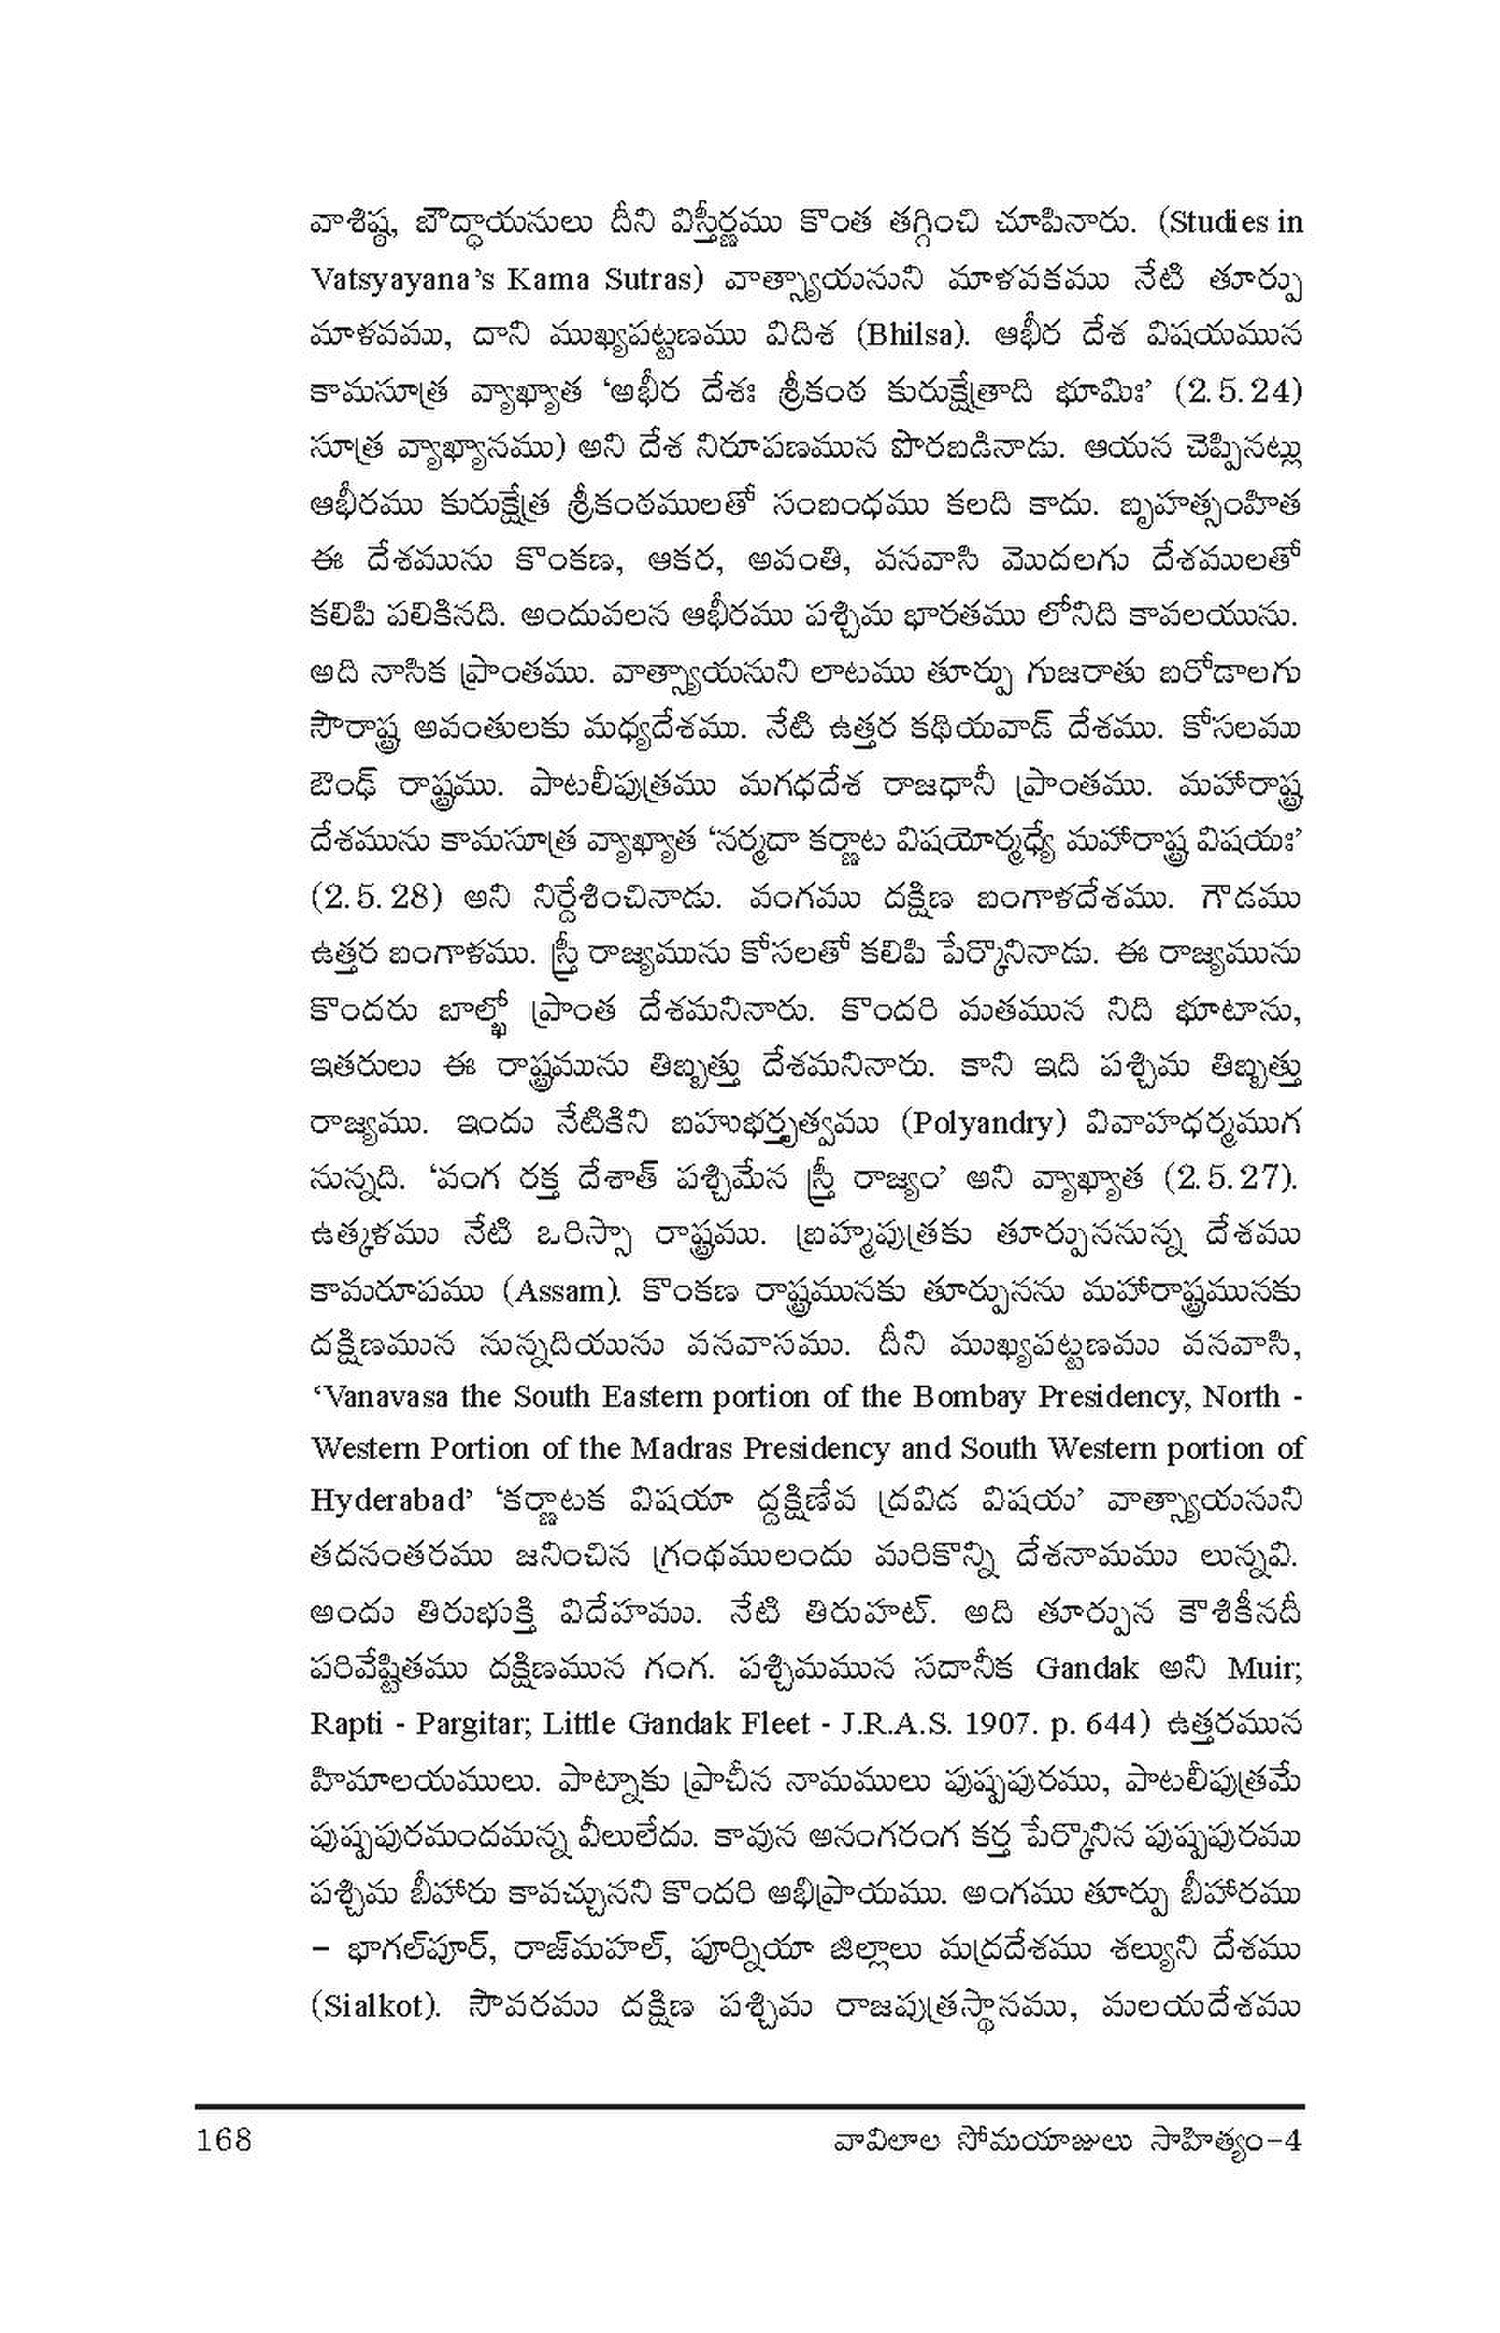వాశిష్ఠ, బౌద్ధాయనులు దీని విస్తీర్ణము కొంత తగ్గించి చూపినారు. (Studies in
Vatsyayana's Kama Sutras) వాత్స్యాయనుని మాళవకము నేటి తూర్పు
మాళవము, దాని ముఖ్యపట్టణము విదిశ (Bhilsa). ఆభీర దేశ విషయమున
కామసూత్ర వ్యాఖ్యాత 'అభీర దేశః శ్రీకంఠ కురుక్షేత్రాది భూమిః (2.5.24)
సూత్ర వ్యాఖ్యానము) అని దేశ నిరూపణమున పొరబడినాడు. ఆయన చెప్పినట్లు
ఆభీరము కురుక్షేత్ర శ్రీకంఠములతో సంబంధము కలది కాదు. బృహత్సంహిత
ఈ దేశమును కొంకణ, ఆకర, అవంతి, వనవాసి మొదలగు దేశములతో
కలిపి పలికినది. అందువలన ఆభీరము పశ్చిమ భారతము లోనిది కావలయును.
అది నాసిక ప్రాంతము. వాత్స్యాయనుని లాటము తూర్పు గుజరాతు బరోడాలగు
సౌరాష్ట్ర అవంతులకు మధ్యదేశము. నేటి ఉత్తర కథియవాడ దేశము. కోసలము
ఔంఢ్ రాష్ట్రము. పాటలీపుత్రము మగధదేశ రాజధాని ప్రాంతము. మహారాష్ట్ర
దేశమును కామసూత్ర వ్యాఖ్యాత 'నర్మదా కర్ణాట విషయోర్మధ్యే మహారాష్ట్ర విషయః'
(2.5.28) అని నిర్దేశించినాడు. వంగము దక్షిణ బంగాళదేశము. గౌడము
ఉత్తర బంగాళము. స్త్రీ రాజ్యమును కోసలతో కలిపి పేర్కొనినాడు. ఈ రాజ్యమును
కొందరు బాలో ప్రాంత దేశమనినారు. కొందరి మతమున నిది భూటాను,
ఇతరులు ఈ రాష్ట్రమును తిబ్బత్తు దేశమనినారు. కాని ఇది పశ్చిమ తిబ్బత్తు
రాజ్యము. ఇందు నేటికిని బహుభర్తృత్వము (Polyandry) వివాహధర్మముగ
నున్నది. 'వంగ రక్త దేశాత్ పశ్చిమేన స్త్రీ రాజ్యం' అని వ్యాఖ్యాత (2.5.27).
ఉత్కళము నేటి ఒరిస్సా రాష్ట్రము. బ్రహ్మపుత్రకు తూర్పుననున్న దేశము
కామరూపము (Assam). కొంకణ రాష్ట్రమునకు తూర్పునను మహారాష్ట్రమునకు
దక్షిణమున నున్నదియును వనవాసము. దీని ముఖ్యపట్టణము వనవాసి,
'Vanavasa the South Eastern portion of the Bombay Presidency, North -
Western Portion of the Madras Presidency and South Western portion of
Hyderabad' 'కర్ణాటక విషయా దక్షిణేవ ద్రావిడ విషయ' వాత్స్యాయనుని
తదనంతరము జనించిన గ్రంథములందు మరికొన్ని దేశనామము లున్నవి.
అందు తిరుభుక్తి విదేహము. నేటి తిరుహట్. అది తూర్పున కౌశికీ నదీ
పరివేష్టితము దక్షిణమున గంగ. పశ్చిమమున సదానీక Gandak అని Muir;
Rapti - Pargitar, Little Gandak Fleet J.R.A.S. 1907. p. 644) ఉత్తరమున
హిమాలయములు. పాట్నాకు ప్రాచీన నామములు పుష్పపురము, పాటలీపుత్రమే
పుష్పపురమందమన్న వీలులేదు. కావున అనంగరంగ కర్త పేర్కొనిన పుష్పపురము
పశ్చిమ బీహారు కావచ్చునని కొందరి అభిప్రాయము. అంగము తూర్పు బీహారము
- భాగల్పూర్, రాజ్మహల్, పూర్నియా జిల్లాలు మద్రదేశము శల్యుని దేశము
(Sialkot). సౌవరము దక్షిణ పశ్చిమ రాజపుత్రస్థానము, మలయదేశము